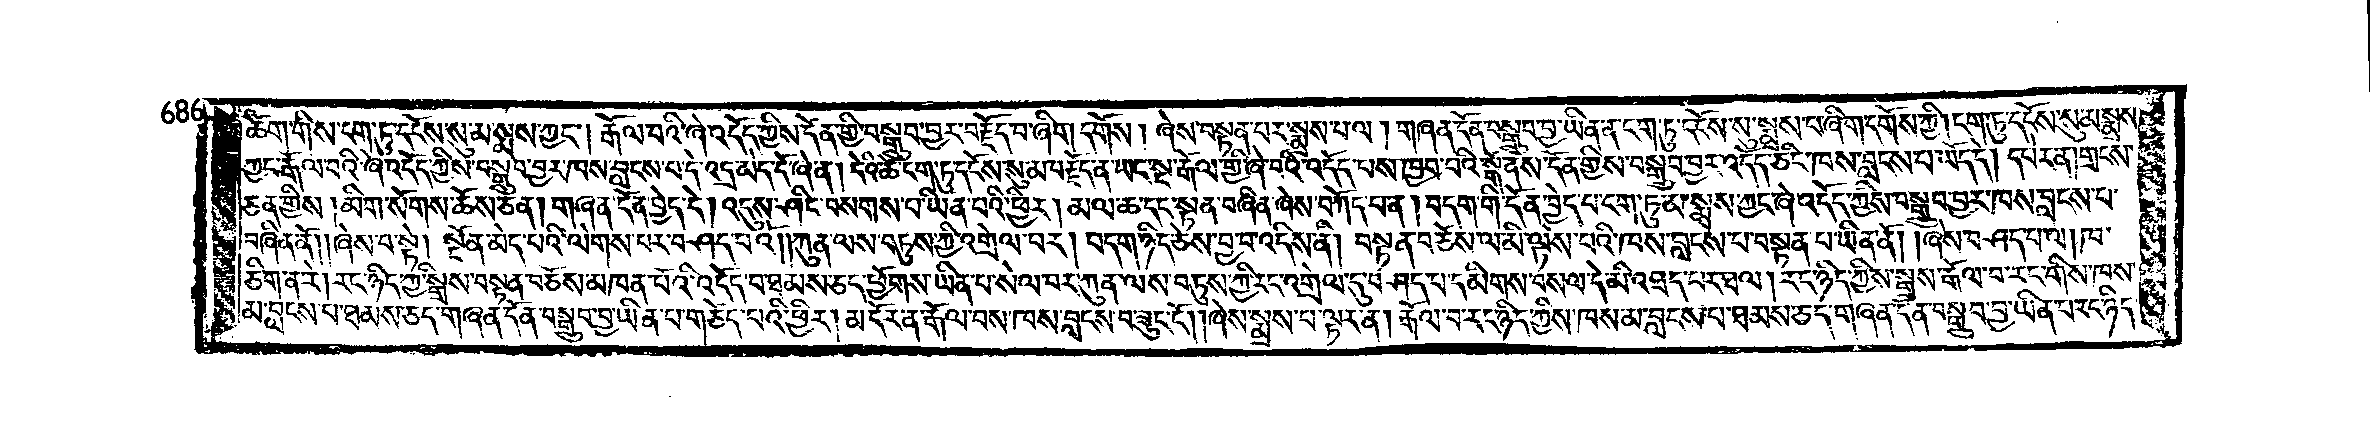ཚིག་གིས་ངག་ཏུ་དངོས་སུ་མ་སྨས་ཀྱང་། རྒོལ་བའི་ཞེ་འདོད་ཀྱིས་དོན་གྱི་བསྒྲུབ་བྱར་བརྗོད་པ་ཞིག་དགོས། ཞེས་བསྟན་པར་སྨྲས་པ་ལ། གཞན་དོན་བསྒྲུབ་བྱ་ཡིན་ན་ངག་ཏུ་དངོས་སུ་སྨྲས་པ་ཞིག་དགོས་ཀྱི། ངག་ཏུ་དངོས་སུ་མ་སྨྲས་
ཀྱང་རྒོལ་བའི་ཞེ་འདོད་ཀྱིས་བསྒྲུབ་བྱར་ཁས་བླངས་པ་དེ་འདྲ་མེད་དོ་ཞེ་ན། དེའི་ཚེ་ངག་ཏུ་དངོས་སུ་མ་བརྗོད་ན་ཡང་སྔ་རྒོལ་གྱི་ཞེ་བའི་འདོད་པས་ཁྱབ་པའི་སྒོ་ནས་དོན་གྱིས་བསྒྲུབ་བྱར་འདོད་ཅིང་ཁས་བླངས་པ་ཡོད་དེ། དཔེར་ན། གྲངས་
ཅན་གྱིས། མིག་སོགས་ཆོས་ཅན། གཞན་དོན་བྱེད་དེ། འདུས་ཤིང་བསགས་པ་ཡིན་པའི་ཕྱིར། མལ་ཆ་དང་སྟན་བཞིན་ཞེས་བཀོད་པ་ན། བདག་གི་དོན་བྱེད་པ་ངག་ཏུ་མ་སྨྲས་ཀྱང་ཞེ་འདོད་ཀྱིས་བསྒྲུབ་བྱར་ཁས་བླངས་པ་
བཞིན་ནོ། །ཞེས་པ་སྟེ། སྔོན་མེད་པའི་ལེགས་པར་བཤད་པའོ། །ཀུན་ལས་བཏུས་ཀྱི་འགྲེལ་བར། བདག་ཉིད་ཅེས་བྱ་བ་འདིས་ནི། བསྟན་བཅོས་ལ་མི་ལྟོས་པའི་ཁས་བླངས་པ་བསྟན་པ་ཡིན་ནོ། །ཞེས་བཤད་པ་ལ། ཁ་
ཅིག་ན་རེ། རང་ཉིད་ཀྱི་སྒྲས་བསྟན་བཅོས་མཁན་པོའི་འདོད་པ་ཐམས་ཅད་ཕྱོགས་ཡིན་པ་སེལ་བར་ཀུན་ལས་བཏུས་ཀྱི་རང་འགྲེལ་དུ་བཤད་པ་དམིགས་བསལ་དེ་མི་འཐད་པར་ཐལ། རང་ཉིད་ཀྱིས་སྒྲས་རྒོལ་བ་རང་གིས་ཁས་
མ་བླངས་པ་ཐམས་ཅད་གཞན་དོན་བསྒྲུབ་བྱ་ཡིན་པ་གཅོད་པའི་ཕྱིར། མདོར་ན་རྒོལ་བས་ཁས་བླངས་བཟུང་ངོ། །ཞེས་སྨྲས་པ་ལྟར་ན། རྒོལ་བ་རང་ཉིད་ཀྱིས་ཁས་མ་བླངས་པ་ཐམས་ཅད་གཞན་དོན་བསྒྲུབ་བྱ་ཡིན་པ་རང་ཉིད་